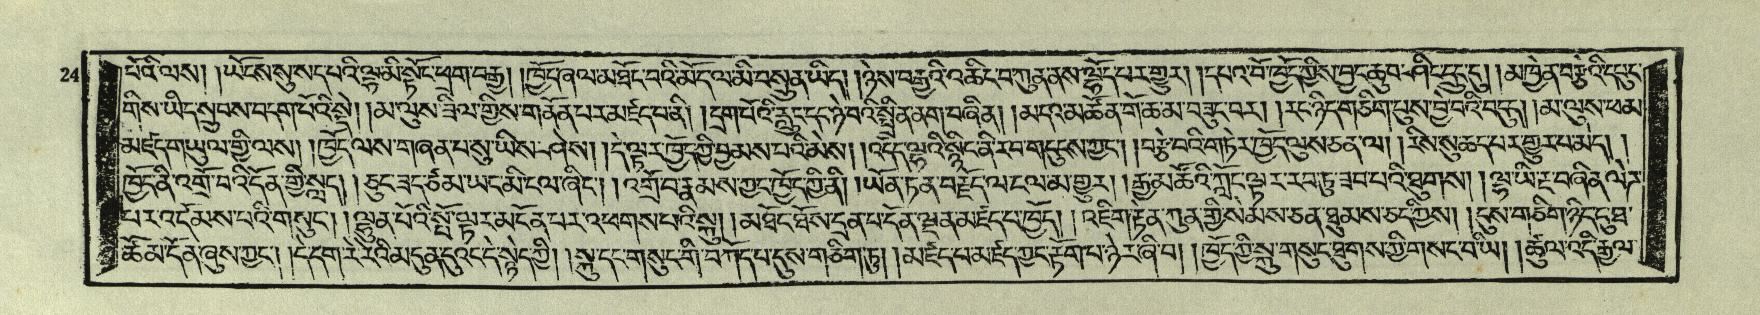པོའི་ལས། །ཡོངས་སུ་སད་པའི་ལྷ་མི་སྟོང་ཕྲག་བརྒྱ། །ཁྱོད་ཞལ་མཐོང་བའི་མོད་ལ་མི་བསྲུན་ཡིད། །ཉེས་བརྒྱའི་འཆིང་བ་ཀུན་ནས་ལྷོད་པར་གྱུར། །དཔའ་བོ་ཁྱོད་ཀྱིས་བྱང་ཆུབ་ཤིང་དྲུང་དུ། །མཁྱེན་བརྩེའི་དཔུང་
གིས་ཡིད་སྲུབས་བདག་པོའི་སྡེ། །མ་ལུས་ཟིལ་གྱིས་གནོན་པར་མཛད་པ་ནི། །དྲག་པོའི་རླུང་དང་ཉེ་བའི་སྤྲིན་ནག་བཞིན། །མདའ་མཚོན་གོ་ཆ་མ་བཟུང་བར། །རང་ཉིད་གཅིག་པུས་བྱེ་བའི་བདུད། །མ་ལུས་ཕམ་
མཛད་གཡུལ་གྱི་ལས། །ཁྱོད་ལས་གཞན་པ་སུ་ཡིས་ཤེས། །དེ་ལྟར་ཁྱོད་ཀྱི་བྱམས་པའི་མེས། །འདོད་ལྷའི་སྙིང་ནི་རབ་གདུངས་ཀྱང་། །བརྩེ་བའི་གཏེར་ཁྱོད་ལུས་ཅན་ལ། །རིས་སུ་ཆད་པར་གྱུར་པ་མེད། །
ཁྱོད་ནི་འགྲོ་བའི་དོན་གྱི་སླད། །ཅུང་ཟད་ཙམ་ཡང་མིང་ལ་ཞིང་། །འགྲོ་བ་རྣམས་ཀྱང་ཁྱོད་ཀྱི་ནི། །ཡོན་ཏན་བརྗོད་ལ་ངལ་མ་གྱུར། །རྒྱ་མཚོའི་ཀློང་ལྟར་རབ་ཏུ་ཟབ་པའི་ཐུགས། །ལྷ་ཡི་རྔ་བཞིན་ལེཌ་
པར་འདོམས་པའི་གསུང་། །ལྷུན་པོའི་སྤོ་ལྟར་མངོན་པར་འཕགས་པའི་སྐུ། །མཐོང་ཐོས་དྲན་པ་དོན་ལྡན་མཛད་པ་ཁྱོད། །འཇིག་རྟེན་ཀུན་གྱི་སེམས་ཅན་ཐུམས་ཅད་ཀྱིས། །དུས་གཅིག་ཉིད་དུ་ཐ་
ཚོམ་དོན་ཞུས་ཀྱང་། །དེ་དག་རེ་རེའི་མདུན་དུའང་དེ་སྙེད་ཀྱི། །སྐུ་དང་གསུང་གི་བཀོད་པ་དུས་གཅིག་ཏུ། །མཛད་པ་མཛད་ཀྱང་རྟོག་པ་ཉེར་ཞི་བ། །ཁྱོད་ཀྱི་སྐུ་གསུང་ཐུགས་ཀྱི་གསང་བ་ཡི། །ཚུལ་འདི་རྒྱལ་